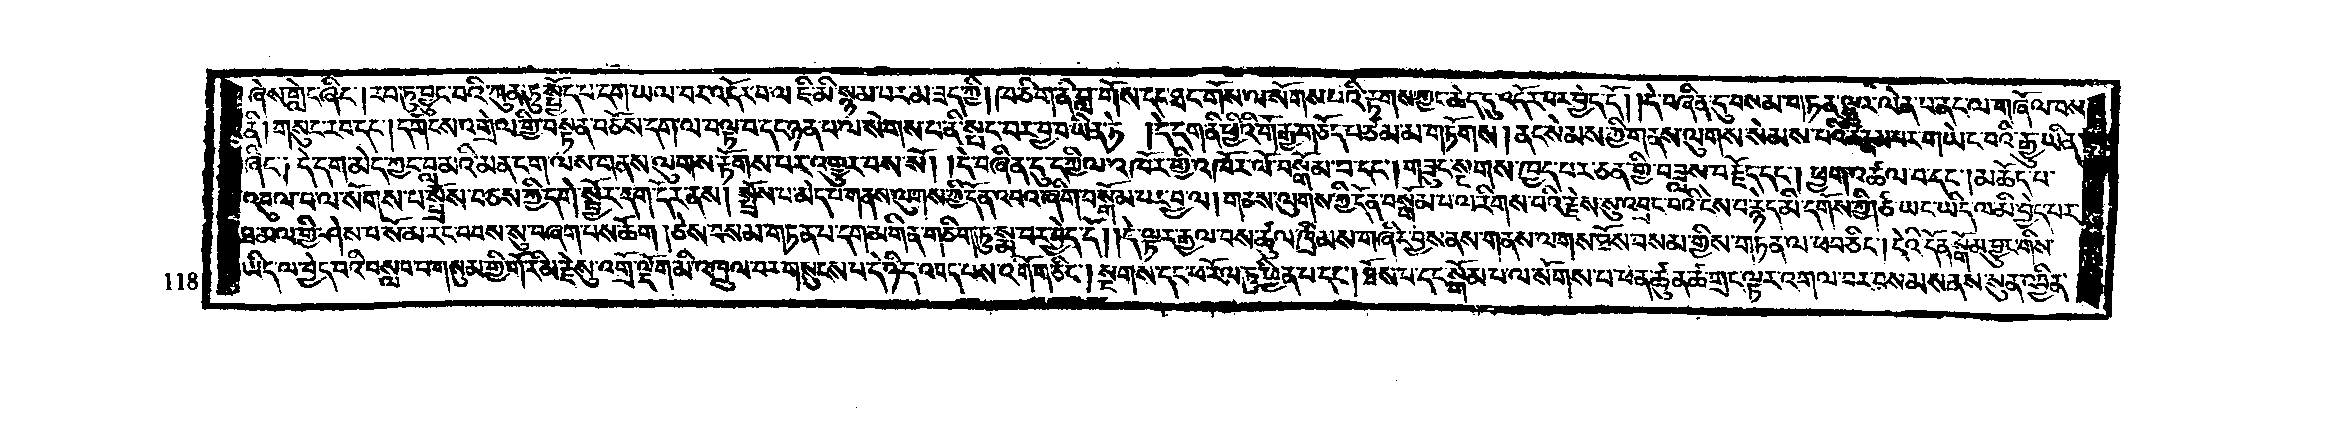ཞེས་གླེང་ཞིང་། རབ་ཏུ་བྱུང་བའི་ཀུན་ཏུ་སྤྱོད་པ་དག་ཡལ་བར་འདོར་བ་ལ་ཇི་མི་སྙམ་པར་མ་ཟད་ཀྱི། ཁ་ཅིག་ནི་བླ་གོས་དང་ཐང་གོས་ལ་སོགས་པའི་རྟགས་ཀྱང་ཆེད་དུ་འདོར་བར་བྱེད་དོ། །དེ་བཞིན་དུ་བསམ་གཏན་ལྷུར་ལེན་པ་ནང་ལ་གཞོལ་བས་
ནི། གསུང་རབ་དང་། དགོངས་འགྲེལ་གྱི་བསྟན་བཅོས་དག་ལ་བལྟ་བ་དང་ཉན་པ་ལ་སོགས་པ་ནི་སྤང་བར་བྱ་བ་ཡིན་ཏེ་།དེ་དག་ནི་ཕྱིའི་གོ་རྒྱ་གཅོད་པ་ཙམ་མ་གཏོགས། ནང་སེམས་ཀྱི་གནས་ལུགས་སེམས་པའི་ཚ་རྣམ་པར་གཡེང་བའི་རྒྱུ་ཡིན་
ཞིང་། དེ་དག་མེད་ཀྱང་བླ་མའི་མན་ངག་ལས་གནས་ལུགས་རྟོགས་པར་འགྱུར་བས་སོ། །དེ་བཞིན་དུ་དཀྱིལ་འཁོར་གྱི་འཁོར་ལོ་བསྒོམ་བ་དང་། གཟུང་སྔགས་ཁྱད་པར་ཅན་གྱི་བཟླས་བརྗོད་དང་། ཕྱག་འཚལ་བ་དང་། མཆོད་པ་
འབུལ་བ་ལ་སོགས་པ་སྤྲོས་བཅས་ཀྱི་དགེ་སྦྱོར་དག་དོར་ནས། སྤྲོས་པ་མེད་པ་གནས་ལུགས་ཀྱི་དོན་འབའ་ཞིག་བསྒོམ་པར་བྱ་ལ། གནས་ལུགས་ཀྱི་དོན་བསྒོམ་པ་ལ་རིགས་པའི་རྗེས་སུ་འབྲང་བའི་ངེས་པ་རྙེད་མི་དགོས་ཀྱི། ཙ་ཡང་ཡིད་ལ་མི་བྱེད་པར་
ཐ་མལ་གྱི་ཤེས་པ་སོ་མ་རང་བབས་སུ་བཞག་པས་ཆོག །ཅེས་བསམ་གཏན་པ་དག་མགིན་གཅིག་ཏུ་སྨ་བར་བྱེད་དོ། །དེ་ལྟར་རྒྱལ་བས་ཚུལ་ཁྲིམས་གཞིར་བྱས་ནས་གནས་ལགས་ཐོས་བསམ་གྱིས་གཏན་ལ་ཕབ་ཅིང་། དེའི་དོན་སྒོམ་བྱུང་གིས་
ཡིད་ལ་བྱེད་པའི་བསླབ་པ་གསུམ་གྱི་གོ་རིམ་རྗེས་སུ་འགྲོ་ལྡོག་མི་འཁྲུལ་བར་གསུངས་པ་དེ་ཉིད་འབད་པས་འགོག་ཅིང་། སྔགས་དང་ཕ་རོལ་ཏུ་ཕྱིན་པ་དང་། ཐོས་པ་དང་སྒོམ་པ་ལ་སོགས་པ་ཕན་ཚུན་ཚ་གྲང་ལྟར་འགལ་བར་བསམས་ནས་སུན་འབྱིན་